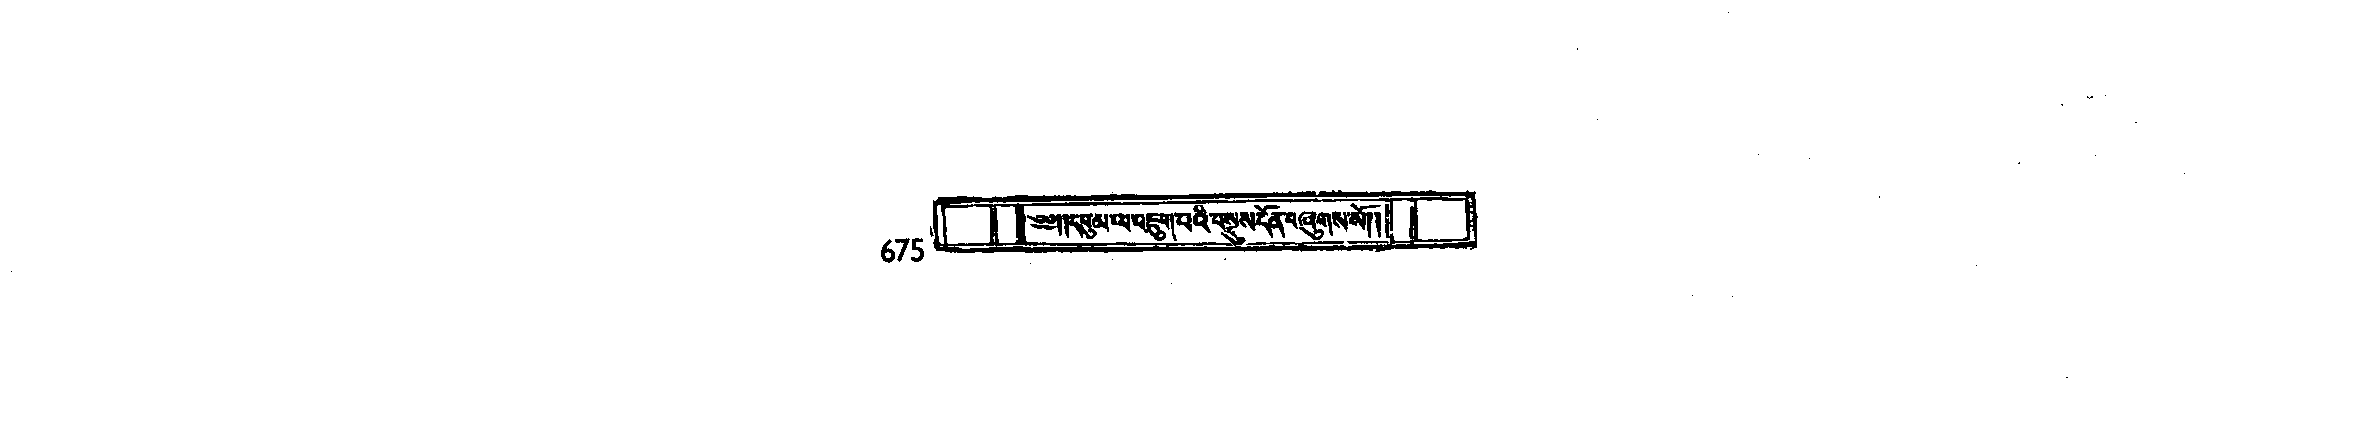༄༅། །དབུ་མ་ལ་འཇུག་པའི་བསྡུས་དོན་བཞུགས་སོ།།